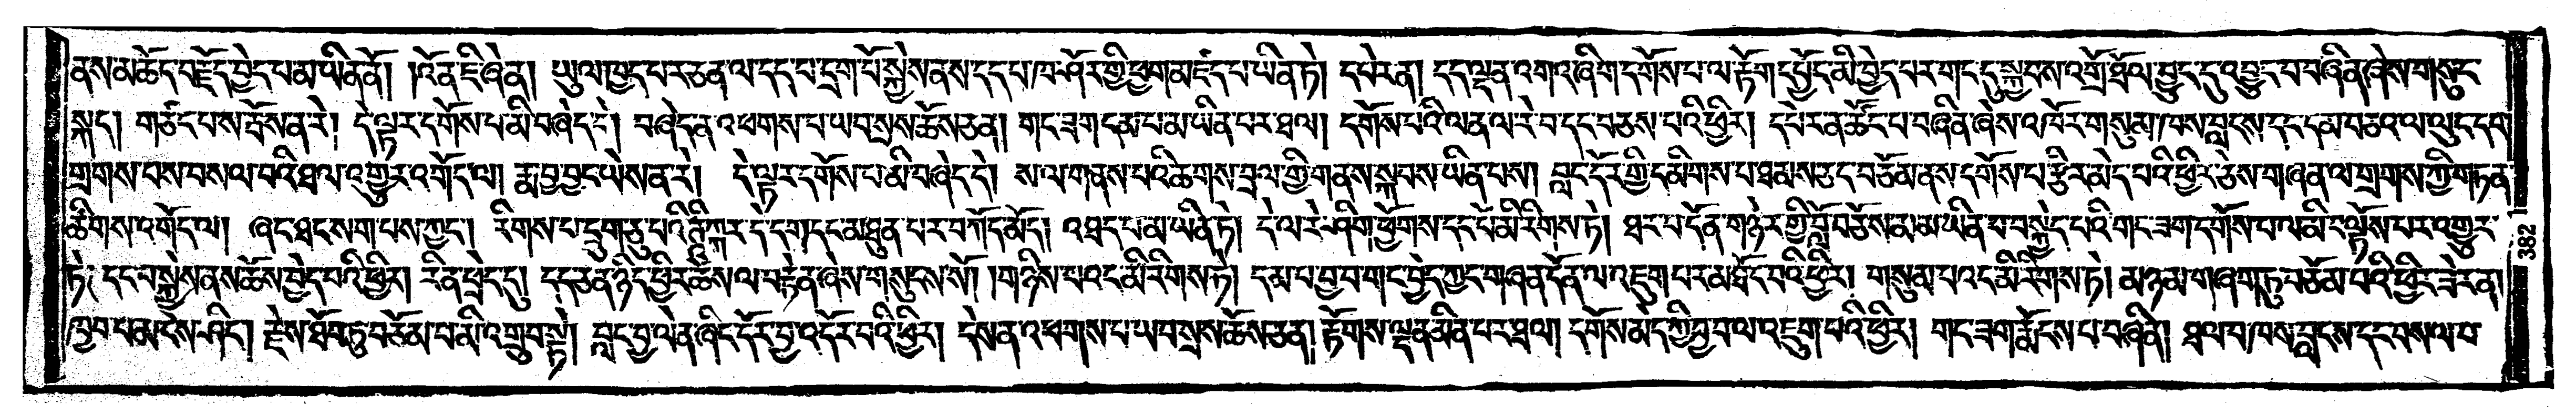ནས་མཆོད་བརྗོད་བྱེད་པ་མ་ཡིན་ནོ། །འོ་ན་ཇི་ཞེ་ན། ཡུལ་ཁྱད་པར་ཅན་ལ་དད་པ་དྲག་པོ་སྐྱེས་ནས་དད་པ་ཁ་ཤོར་གྱི་ཕྱག་མཛད་པ་ཡིན་ཏེ། དཔེར་ན། དད་ལྡན་འགའ་ཞིག་དགོས་པ་ལ་རྟོག་དཔྱོད་མི་བྱེད་པར་གང་དུ་སྐྱབས་འགྲོ་ཐོལ་བྱུང་དུ་འབྱུང་བ་བཞིན་ཞེས་གསུང་
སྐད། གཙང་པ་ས་རྦོས་ན་རེ། དེ་ལྟར་དགོས་པ་མི་བཞེད་དེ། བཞེད་ན་འཕགས་པ་ཡབ་སྲས་ཆོས་ཅན། གང་ཟག་དམ་པ་མ་ཡིན་པར་ཐལ། དགོས་པའི་ལན་ལ་རེ་བ་དང་བཅས་པའི་ཕྱིར། དཔེར་ན་ཚོང་པ་བཞིན་ཞེས་འཁོར་གསུམ་ཁས་བླངས་དང་དམ་བཅའ་ལ་ལུང་དག་
གྲགས་པས་བསལ་བའི་ཐལ་འགྱུར་འགོད་ལ། རྨ་བྱ་བྱང་ཡེས་ན་རེ། དེ་ལྟར་དགོས་པ་མི་བཞེད་དེ། ས་ལ་གནས་པའི་ཆགས་བྲལ་གྱི་གནས་སྐབས་ཡིན་པས། བླང་དོར་གྱི་དམིགས་པ་ཐམས་ཅད་བཅོམ་ནས་དགོས་པ་རྩིར་མེད་པའི་ཕྱིར་ཅེས་གཞན་ལ་གྲགས་ཀྱི་གཏན་
ཚིགས་འགོད་ལ། ཞང་ཐང་སག་པས་ཀྱང་། རིགས་པ་དྲུག་ཅུ་པའི་ཊཱིཀྐར་དེ་དག་དང་མཐུན་པར་བཀོད་མོད། འཐད་པ་མ་ཡིན་ཏེ། དེ་ལ་རེ་ཤིག་ཕྱོགས་དང་པོ་མི་རིགས་ཏེ། ཐར་པ་དོན་གཉེར་གྱི་བློ་བཅོས་མ་མ་ཡིན་པ་བསྐྱེད་པའི་གང་ཟག་དགོས་པ་ལ་མི་བལྟོས་པར་འགྱུར་
ཏེ། དང་བ་སྐྱེས་ནས་ཆོས་བྱེད་པའི་ཕྱིར། རིན་ཕྲེང་དུ། དད་ཅན་ཉིད་ཕྱིར་ཆོས་ལ་བརྟེན་ཞེས་གསུངས་སོ། །གཉིས་པའང་མི་རིགས་ཏེ། དམ་པ་བྱ་བ་གང་བྱེད་ཀྱང་གཞན་དོན་ལ་འཇུག་པར་མཐོང་བའི་ཕྱིར། གསུམ་པའང་མི་རིགས་ཏེ། མཉམ་གཞག་ཏུ་བཅོམ་པའི་ཕྱིར་ཟེར་ན།
ཁྱབ་པ་མ་ངེས་ཤིང་། རྗེས་ཐོབ་ཏུ་བཅོམ་པ་མི་འགྲུབ་སྟེ། བླང་བྱ་ལེན་ཞིང་དོར་བྱ་འདོར་བའི་ཕྱིར། དེས་ན་འཕགས་པ་ཡབ་སྲས་ཆོས་ཅན། རྟོགས་ལྡན་མིན་པར་ཐལ། དགོས་མེད་ཀྱི་བྱ་བ་ལ་འཇུག་པའི་ཕྱིར། གང་ཟག་རྨོངས་པ་བཞིན། ཐལ་བ་ཁས་བླངས་དང་བསལ་བ་